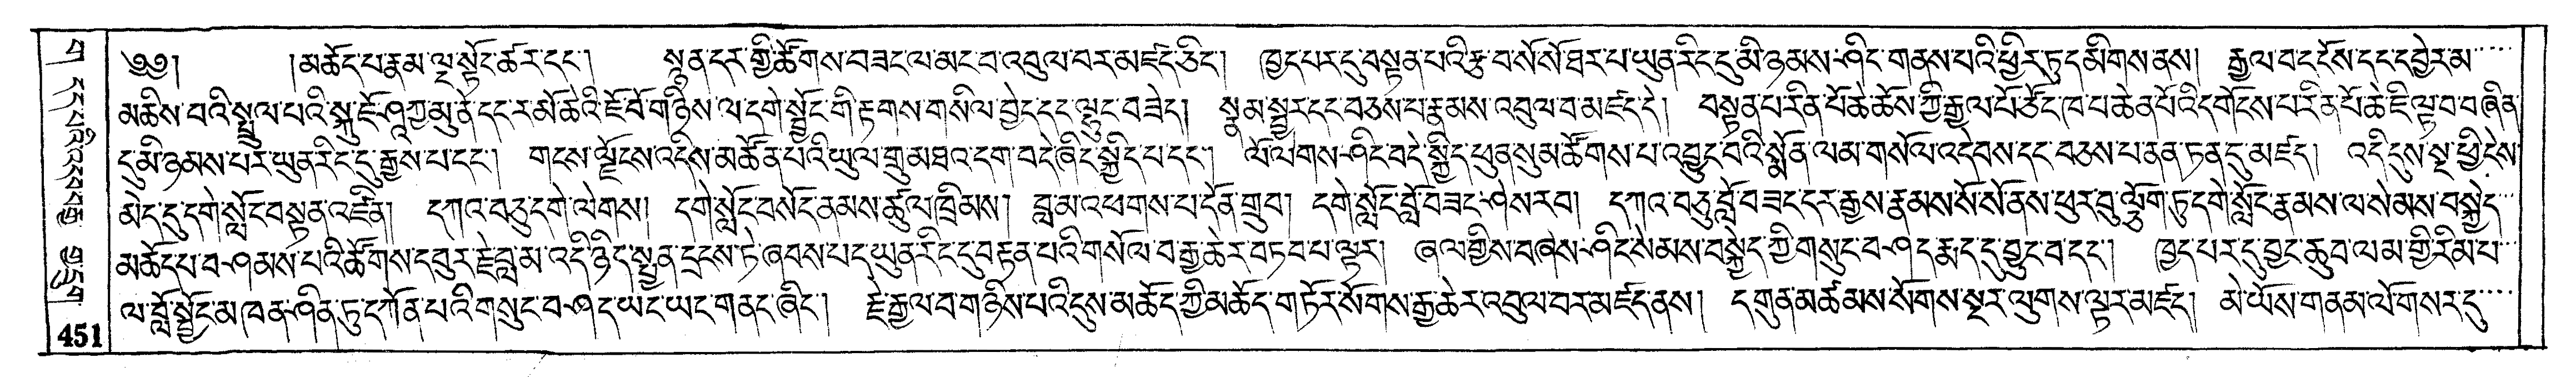༄༅། །མཆོད་པ་རྣམ་ལྔ་སྟོང་ཚར་དང་། སྙན་དར་གྱི་ཚོགས་བཟང་ལ་མང་བ་འབུལ་བར་མཛད་ཅིང་། ཁྱད་པར་དུ་བསྟན་པའི་རྩ་བ་སོ་སོ་ཐར་པ་ཡུན་རིང་དུ་མི་ཉམས་ཤིང་གནས་པའི་ཕྱིར་ཏུ་དམིགས་ནས། རྒྱལ་བ་དངོས་དང་དབྱེར་མ་
མཆིས་པའི་སྤྲུལ་པའི་སྐུ་ཇོ་ཤཱཀྱ་མུ་ནེ་དངར་མོ་ཆེའི་ཇོ་བོ་གཉིས་ལ་དགེ་སྦྱོང་གི་རྟགས་གསིལ་བྱེད་དང་ལྷུང་བཟེད། སྣམ་སྦྱར་དང་བཅས་པ་རྣམས་འབུལ་བ་མཛད་དེ། བསྟན་པ་རིན་པོ་ཆེ་ཆོས་ཀྱི་རྒྱལ་པོ་ཙོང་ཁ་པ་ཆེན་པོའི་དགོངས་པ་རིན་པོ་ཆེ་ཇི་ལྟ་བ་བཞིན་
དུ་མི་ཉམས་པར་ཡུན་རིང་དུ་རྒྱས་པ་དང་། གངས་ལྗོངས་འདིས་མཚོན་པའི་ཡུལ་གྲུ་མཐའ་དག་བདེ་ཞིང་སྐྱིད་པ་དང་། ལོ་ལེགས་ཤིང་བདེ་སྐྱིད་ཕུན་སུམ་ཆོགས་པ་འབྱུང་བའི་སྨོན་ལམ་གསོལ་འདེབས་དང་བཅས་པ་ནན་ཏན་དུ་མཛད། འདི་དུས་སྔ་ཕྱི་ངེས་
མེད་དུ་དགེ་སློང་བསྟན་འཛིན། དཀའ་བཅུ་དགེ་ལེགས། དགེ་སློང་བསོད་ནམས་ཚུལ་ཁྲིམས། བླ་མ་འཕགས་པ་དོན་གྲུབ། དགེ་སློང་བློ་བཟང་ཤེས་རབ། དཀའ་བཅུ་བློ་བཟང་དར་རྒྱས་རྣམས་སོ་སོ་ནས་ཕུར་བུ་ལྕོག་ཏུ་དགེ་སློང་རྣམས་ལ་སེམས་བསྐྱེད་
མཆོད་པ་བཤམས་པའི་ཚོགས་དབུར་རྗེ་བླ་མ་འདི་ཉིད་སྤྱན་དྲངས་ཏེ་ཞབས་པད་ཡུན་རིང་དུ་བརྟན་པའི་གསོལ་བ་རྒྱ་ཆེར་བཏབ་པ་ལྟར། ཞལ་གྱིས་བཞེས་ཤིང་སེམས་བསྐྱེད་ཀྱི་གསུང་བཤད་རྨད་དུ་བྱུང་བ་དང་། ཁྱད་པར་དུ་བྱང་ཆུབ་ལམ་གྱི་རིམ་པ་
ལ་བློ་སྦྱོང་མཁན་ཤིན་ཏུ་དཀོན་པའི་གསུང་བཤད་ཡང་ཡང་གནང་ཞིང་། རྗེ་རྒྱལ་བ་གཉིས་པའི་དུས་མཆོད་ཀྱི་མཆོད་གཏོར་སོགས་རྒྱ་ཆེར་འབུལ་བར་མཛད་ནས། དགུན་མཚམས་སོགས་སྔར་ལུགས་ལྟར་མཛད། མེ་ཡོས་གནམ་ལོ་གསར་དུ་